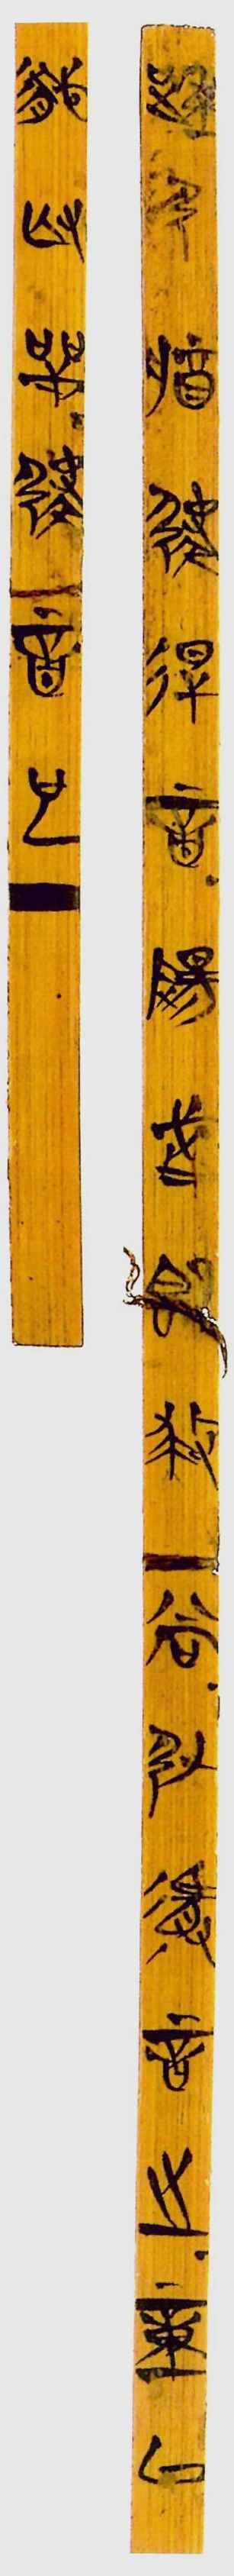踵弓𨟻（將）{弓夬矢}{彳日干}音陽武即救尚引虘B言之童㠯（以）{骨弋}{亡又}咢{弓夬矢}音（函）也
